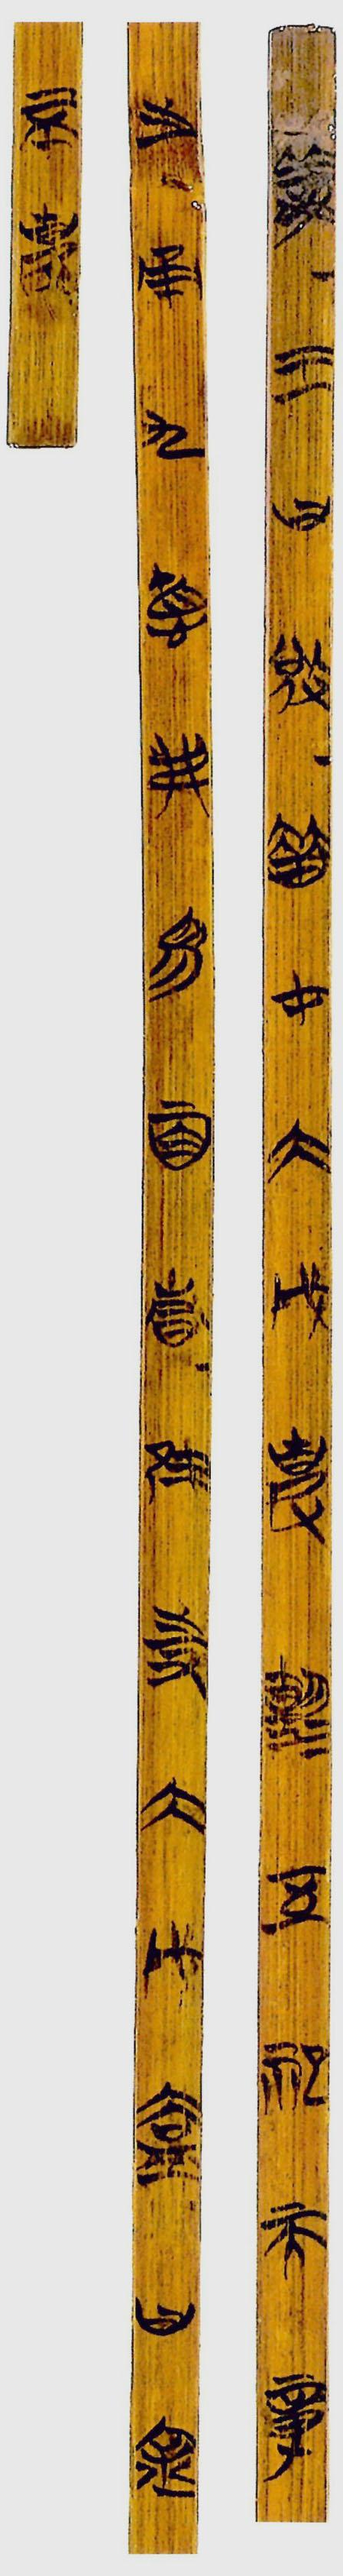義王曰敓（說）昔在大戊尅{水車刀}五祀天章之甬九惪弗易百青隹寺大戊盍曰余不尅
